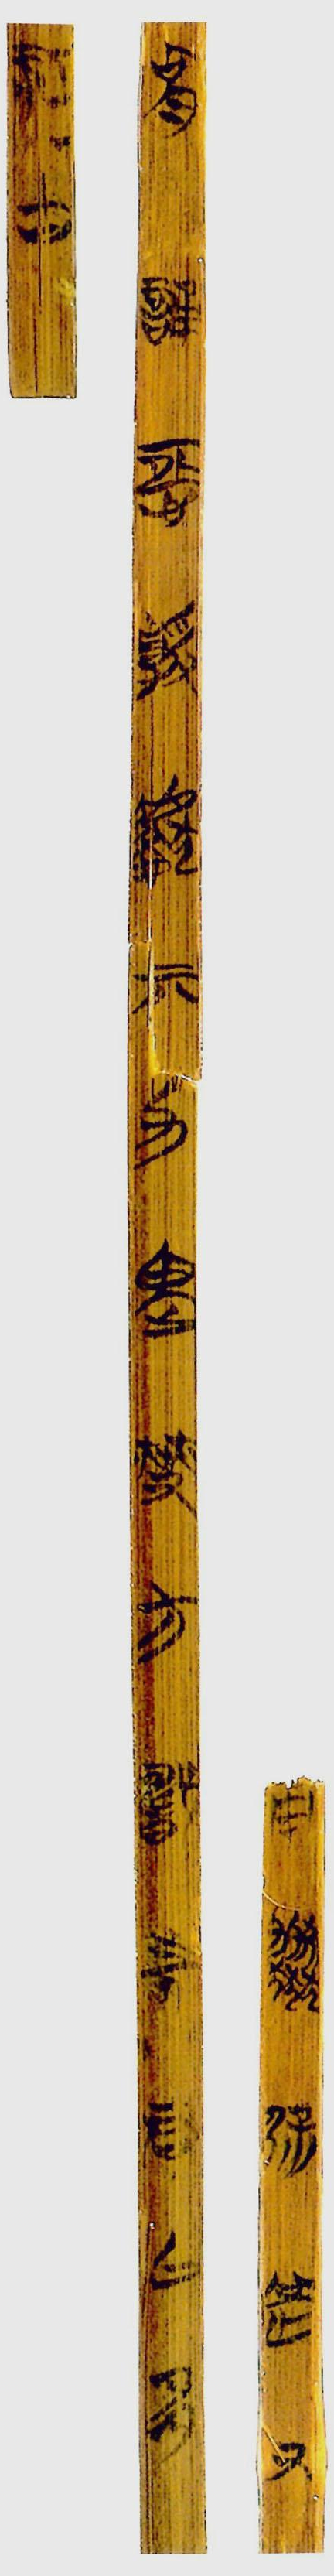甬{力犬力犬力犬}保罔又{占肉}誦{亙心}靜獻亓力畏{火火又}方{𠷎戈}先君㠯（以）多{示工}古
